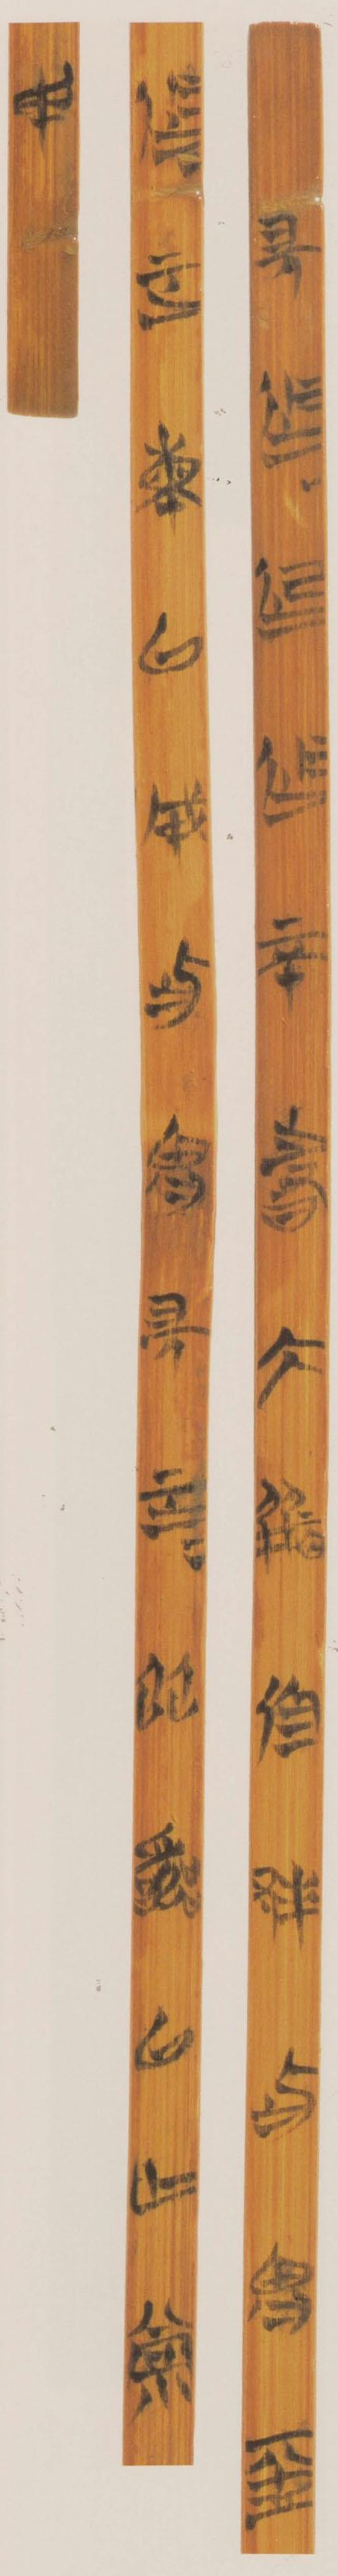𡵂{辶殳}起{辶殳}不時大弼於邦此胃亞{辶殳}正柬㠯（以）成此胃𡵂正={化化}{𤔔㗊}㠯（以）亡常民
